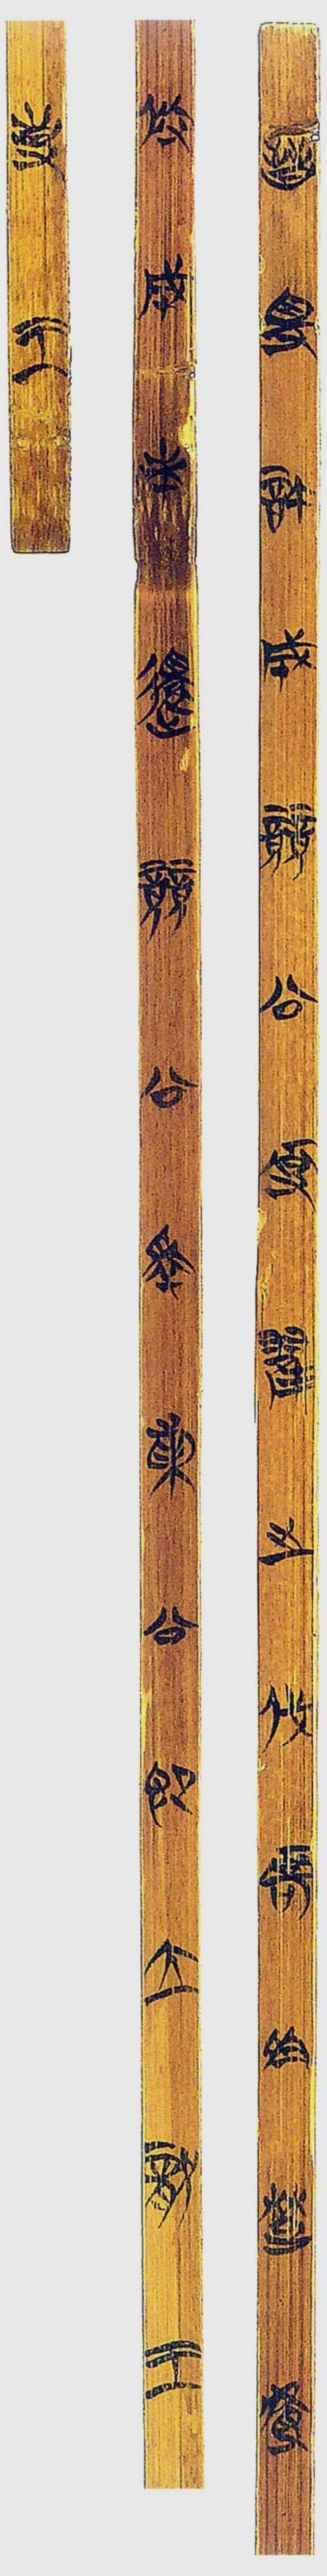晉{且又}許成競公史翟之伐{口甹}於楚虘B攸成未還競公卒B{木𦥑}公即立{𦚏兄}王史王
